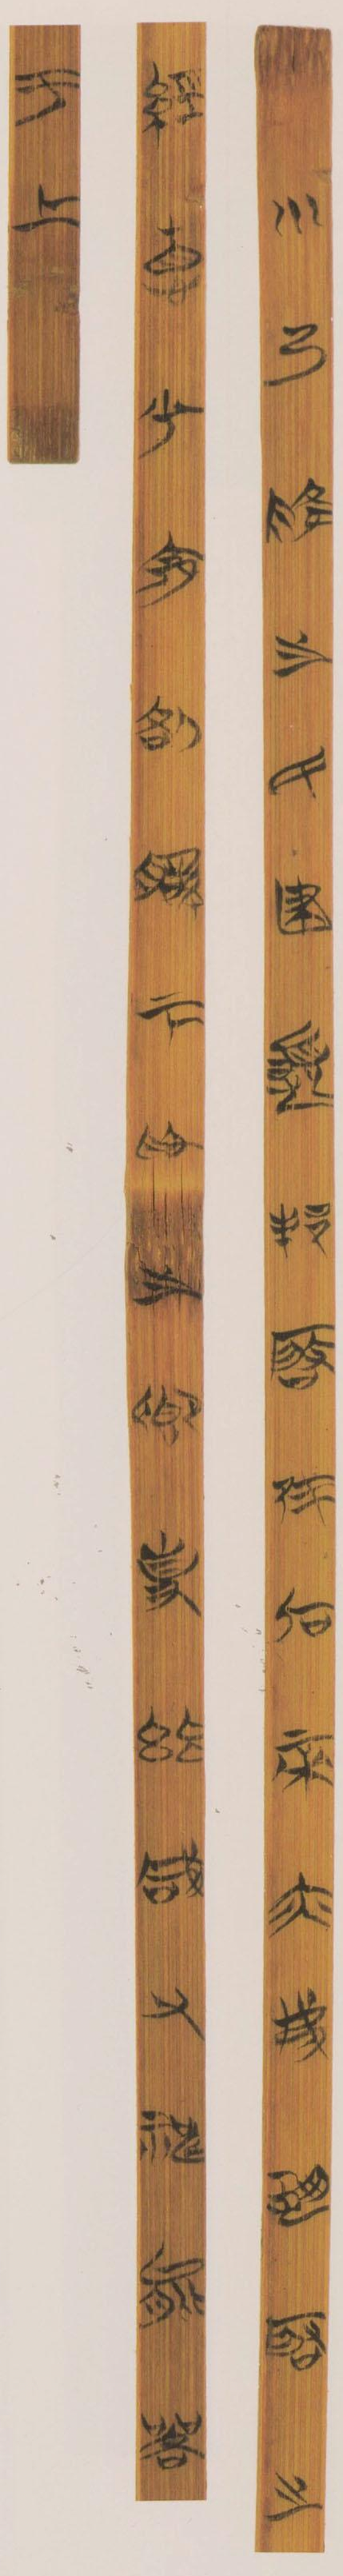川乃降之民建{日又頁}邦啟隹后帝亦弗{巩又}啟之經惪少命咎䌛下爲之卿事𢆶咸又神能{吅各}于上
